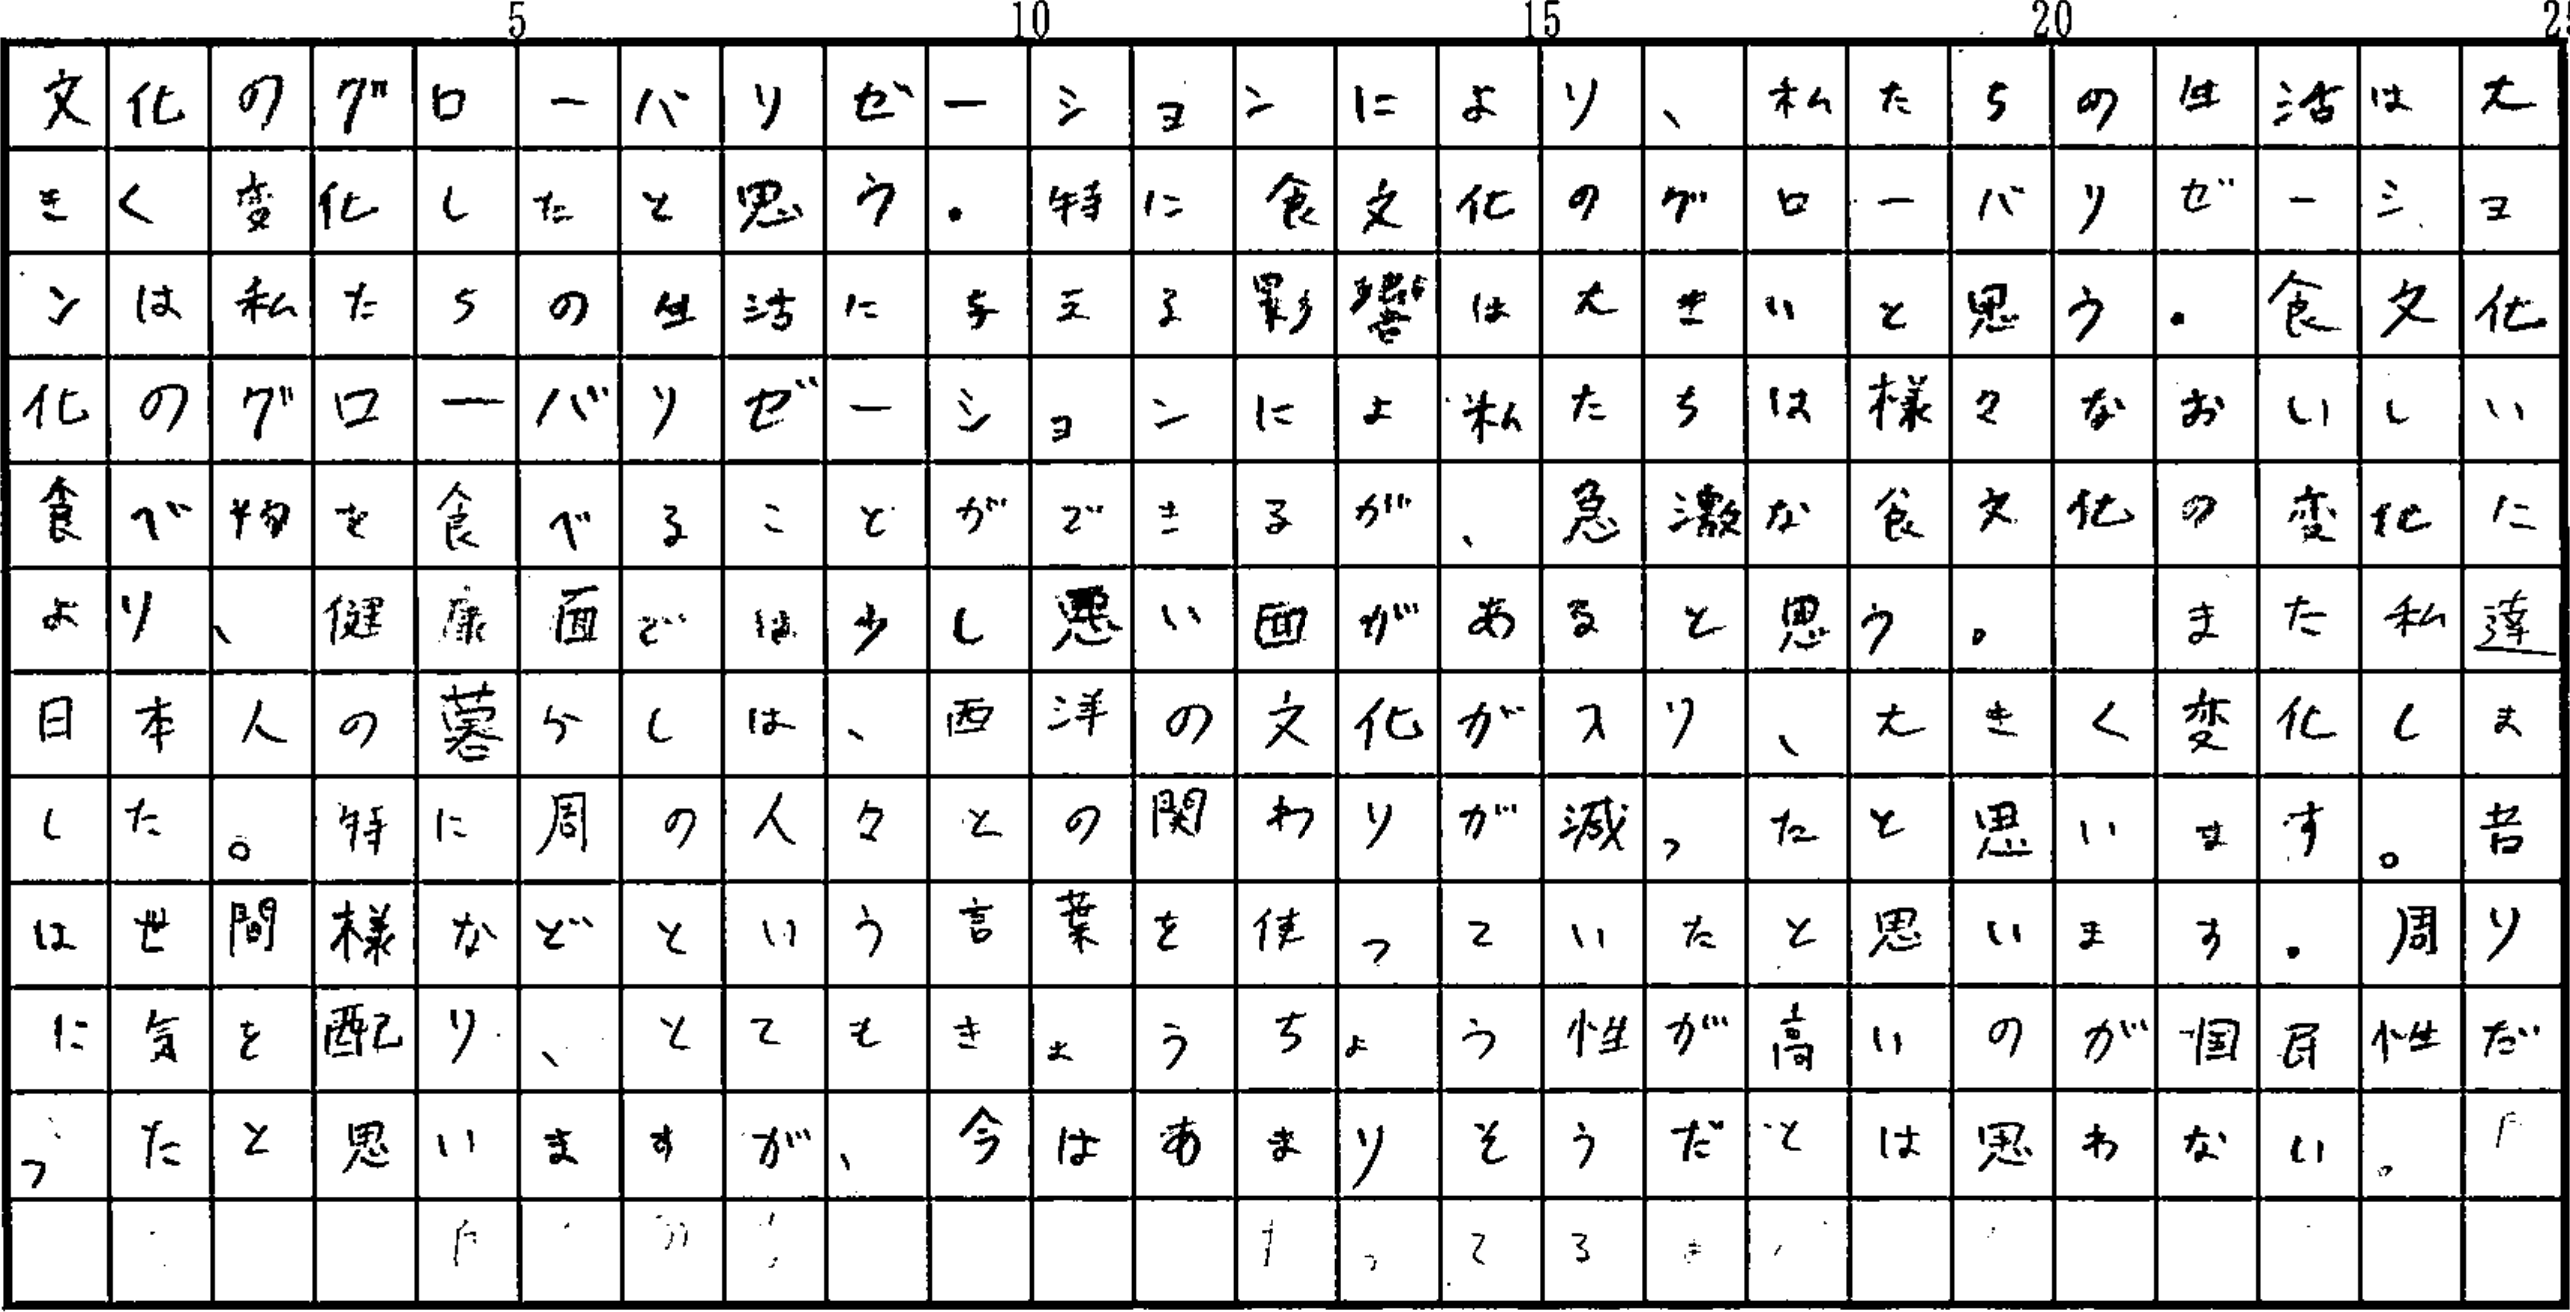文化のグローバリゼーションにより、私たちの生活は大きく変化したと思う。特に食文化のグローバリゼーションは私たちの生活に与える影響は大きいと思う。食文化化のグローバリゼーションによ私たちは様々なおいしい食べ物を食べることができるが、急激な食文化の変化により、健康面では少し悪い面があると思う。　また私達日本人の暮らしは、西洋の文化が入り、大きく変化しました。特に周の人々との関わりが減ったと思います。昔は世間様などという言葉を使っていたと思います。周りに気を配り、とてもきょうちょう性が高いのが国民性だったと思いますが、今はあまりそうだと思わない。
